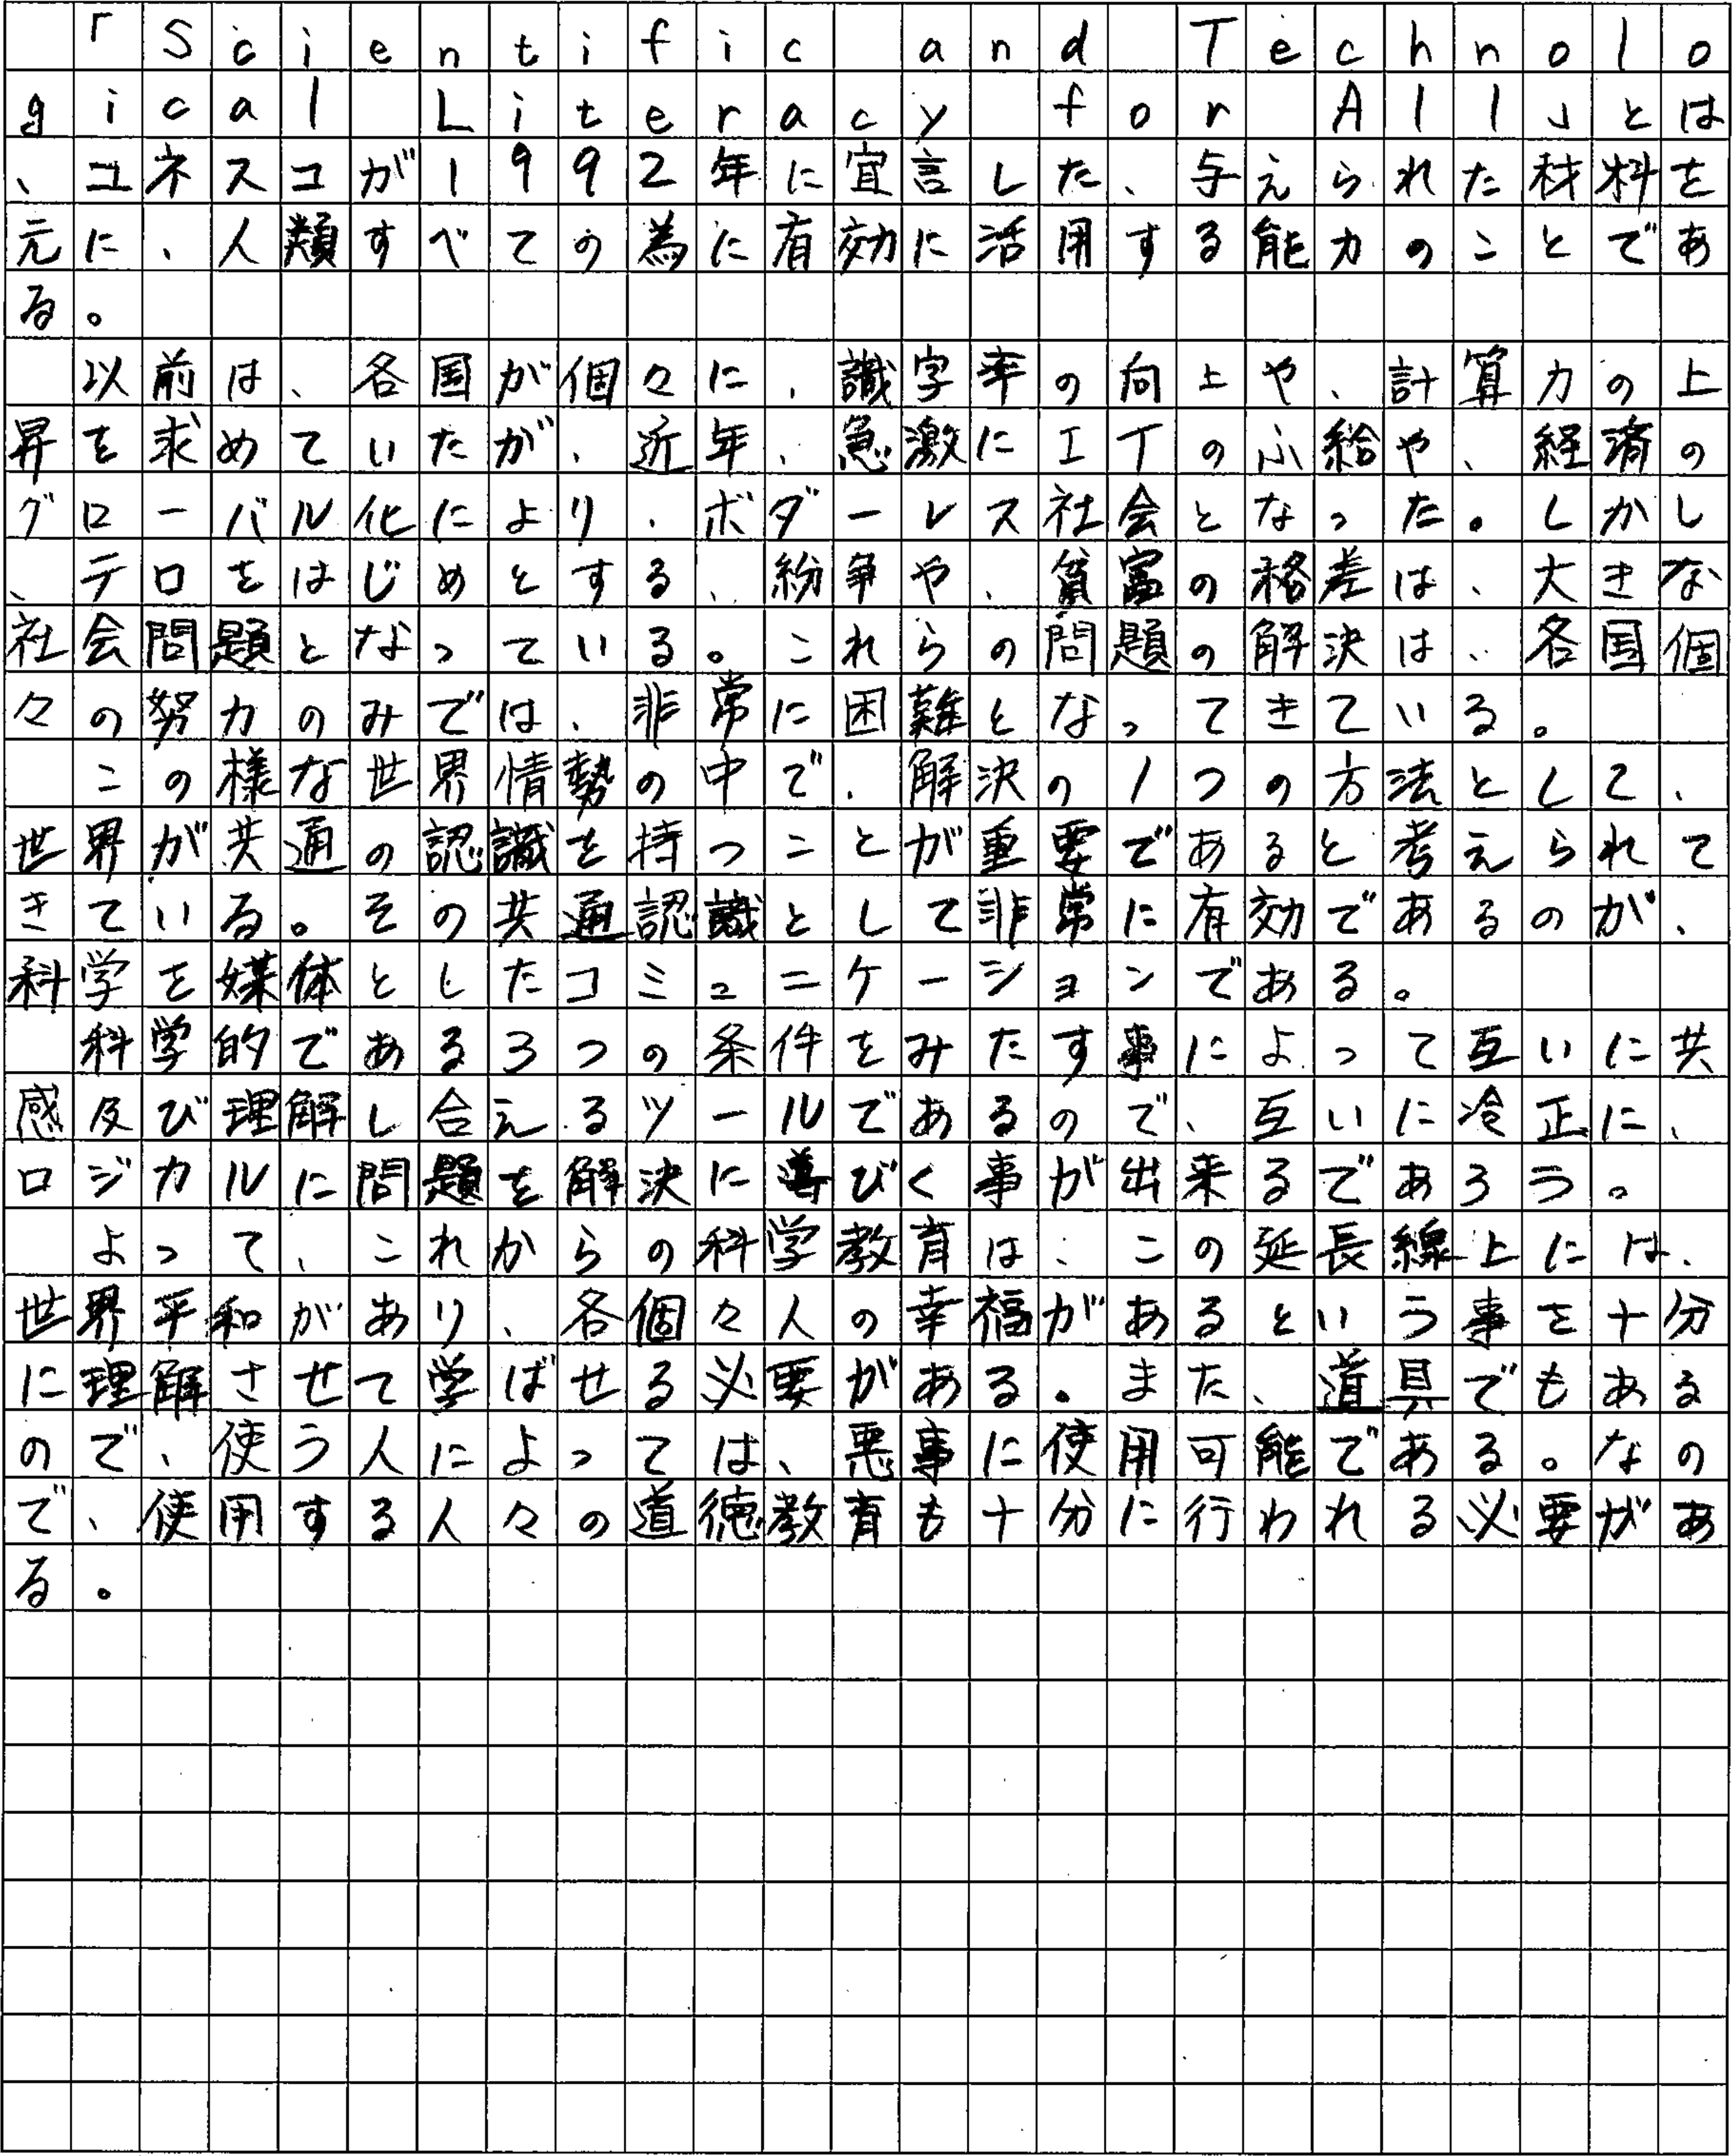　「Ｓｃｉｅｎｔｉｆｉｃ　ａｎｄ　Ｔｅｃｈｎｏｌｏｇｉｃａｌ　Ｌｉｔｅｒａｃｙ　ｆｏｒ　Ａｌｌ」とは、ユネスコが１９９２年に宜言した、与えられた材料を元に、人類すべての為に有効に活用する能力のことである。
　以前は、各国が個々に、識字率の向上や、計算力の上昇を求めていたが、近年、急激にＩＴのふ給や、経済のグローバル化により、ボダーレス社会となった。しかし、テロをはじめとする、紛争や、貧富の格差は、大きな社会問題となっている。これらの問題の解決は、各国個々の努力のみでは、非常に困難となってきている。
　この様な世界情勢の中で、解決の１つの方法として、世界が共通の認識を持つことが重要であると考えられてきている。その共通認識として非常に有効であるのが、科学を媒体としたコミュニケーションである。
　科学的である３つの条件をみたす事によって互いに共感及び理解し合えるツールであるので、互いに冷正に、ロジカルに問題を解決に導びく事が出来るであろう。
　よって、これからの科学教育は、この延長線上には、世界平和があり、各個々人の幸福があるという事を十分に理解させて学ばせる必要がある。また、道具でもあるので、使う人によっては、悪事に使用可能である。なので、使用する人々の道徳教育も十分に行われる必要がある。
